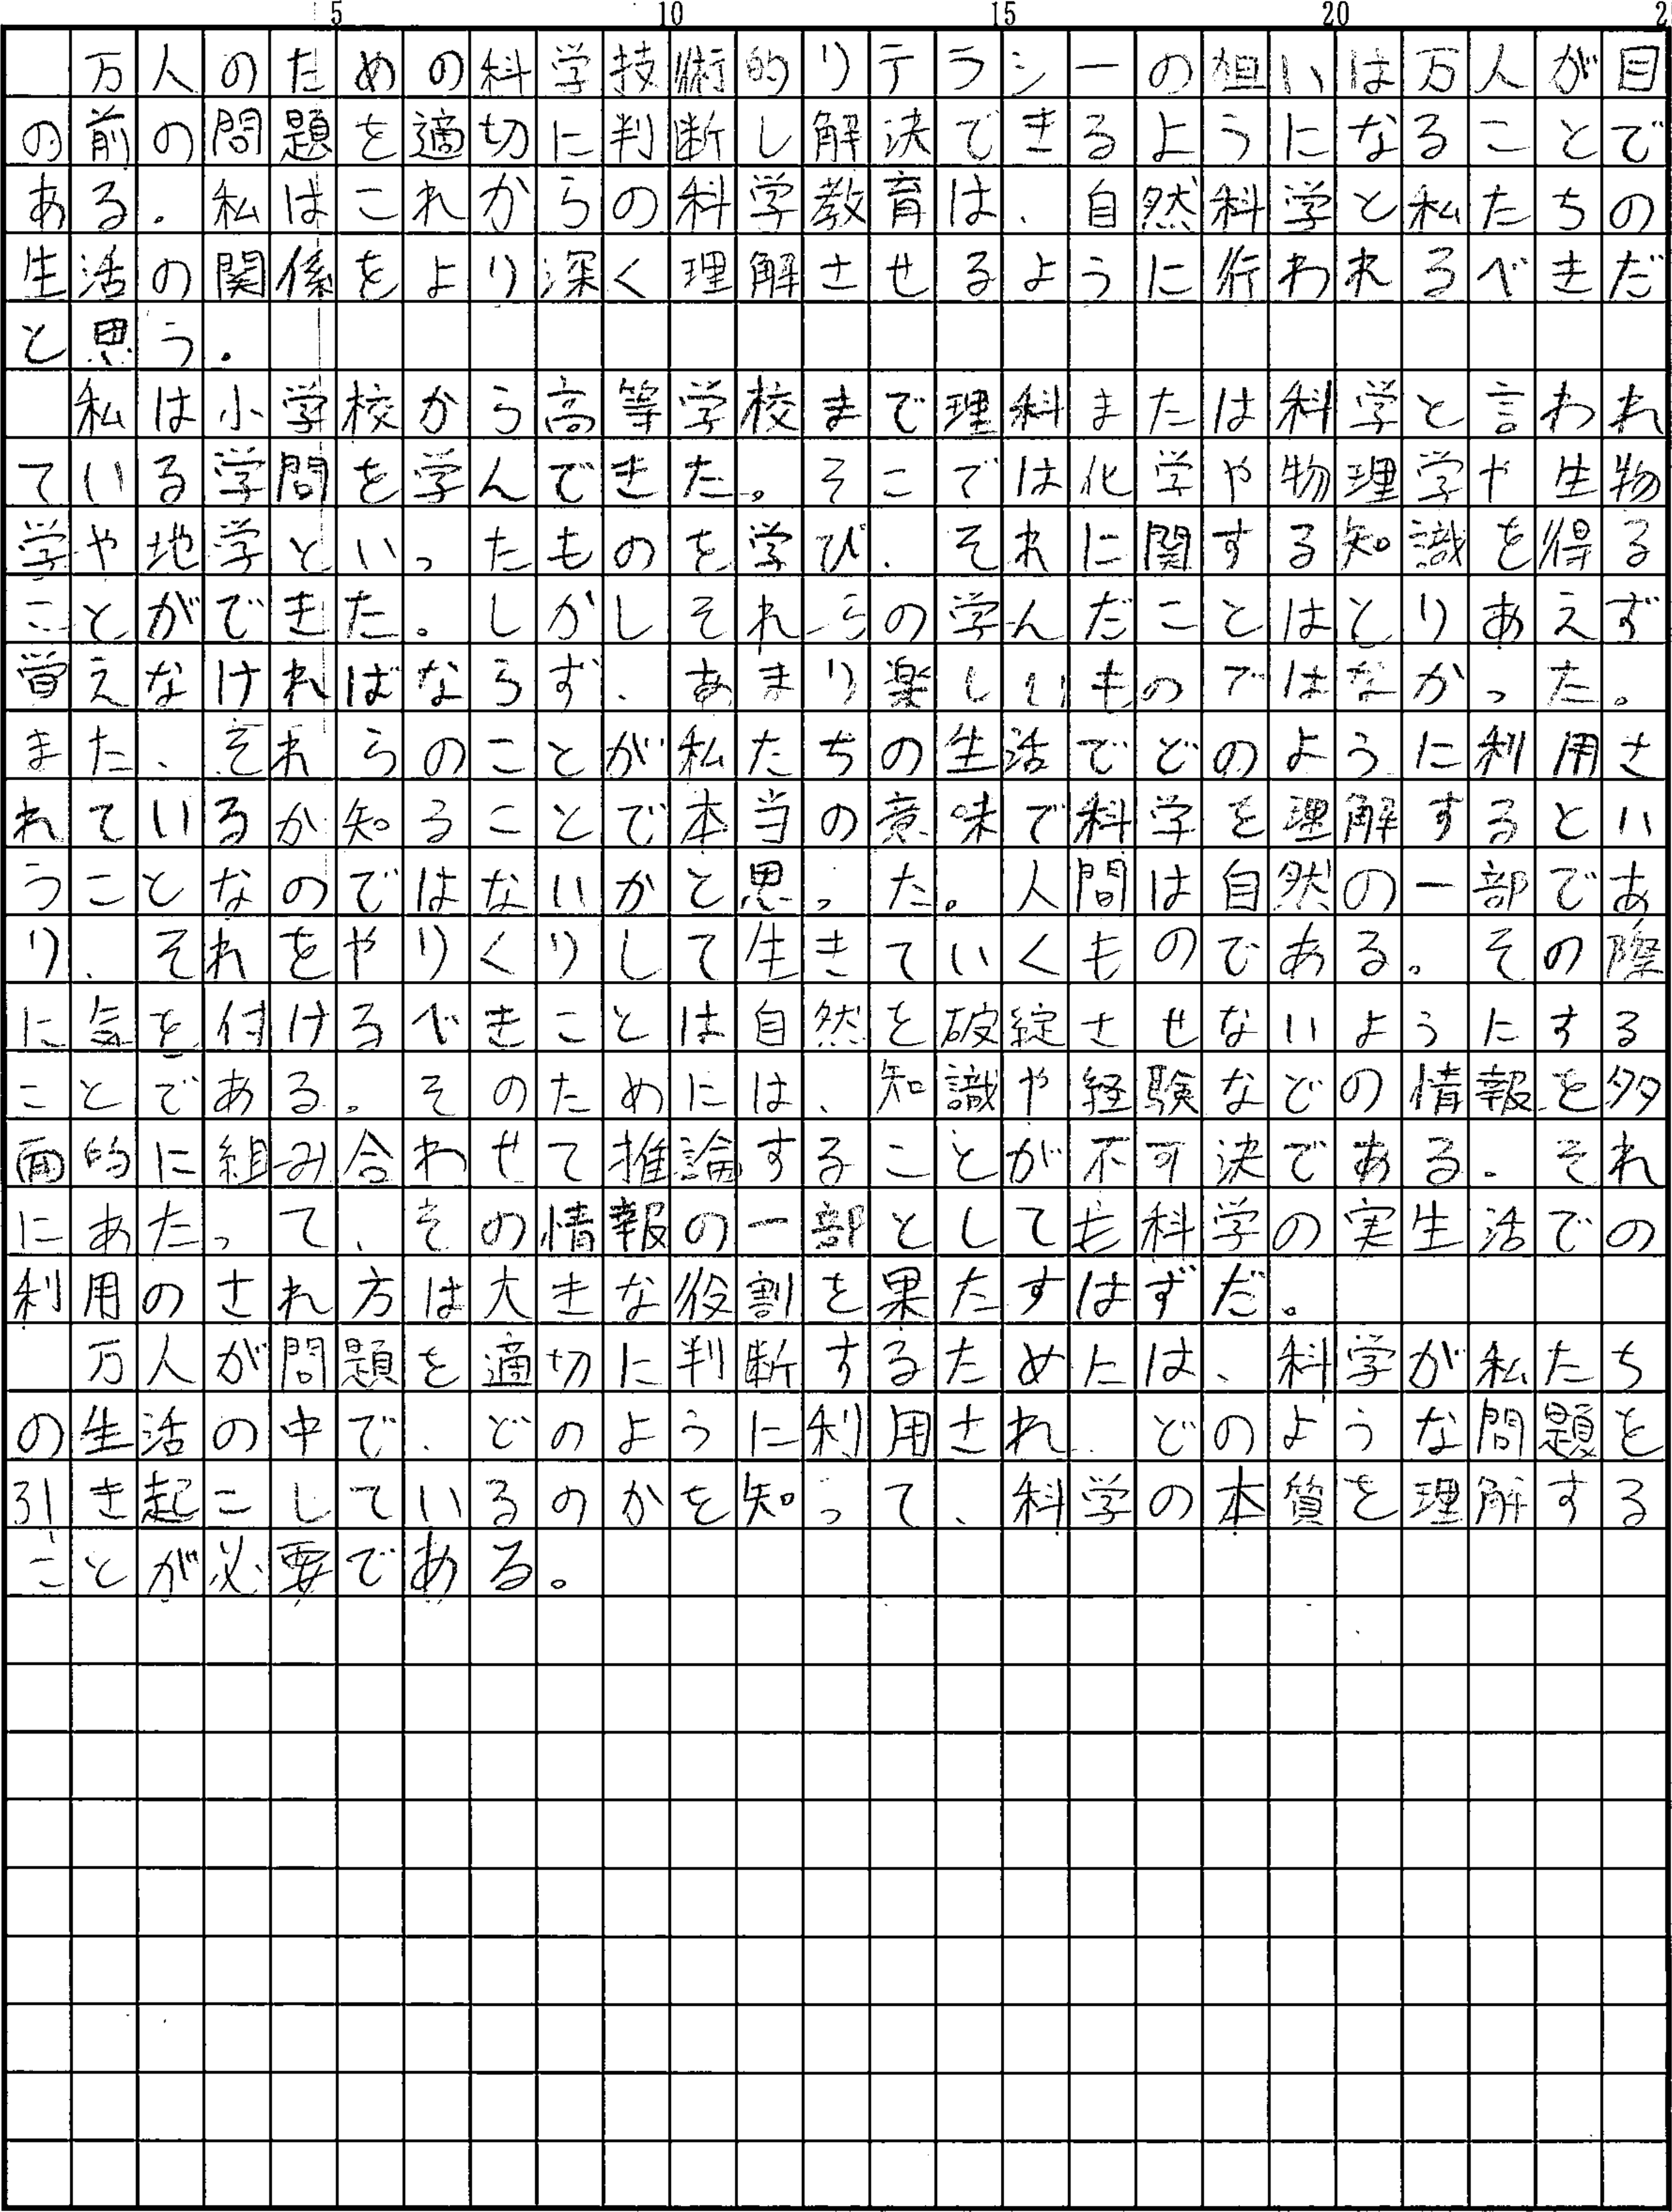　万人のための科学技術的リテラシーの狙いは万人が目の前の問題を適切に判断し解決できるようになることである。私はこれからの科学教育は、自然科学と私たちの生活の関係をより深く理解させるように行われるべきだと思う。
　私は小学校から高等学校まで理科または科学と言われている学問を学んできた。そこでは化学や物理学や生物学や地学といったものを学び、それに関する知識を得ることができた。しかしそれらの学んだことはとりあえず▁えなければならず、あまり楽しいものではなかった。また、それらのことが私たちの生活でどのように利用されているか知ることで本当の意味で科学を理解するということなのではないかと思った。人間は自然の一部であり、それをやりくりして生きていくものである。その際に気を付けるべきことは自然を破綻させないようにすることである。そのためには、知識や経験などの情報を多面的に組み合わせて推論することが不可決である。それにあたって、その情報の一部としても科学の実生活での利用のされ方は大きな役割を果たすはずだ。
　万人が問題を適切に判断するためには、科学が私たちの生活の中で、どのように利用され、どのような問題を引き起こしているのかを知って、科学の本質を理解することが必要である。
